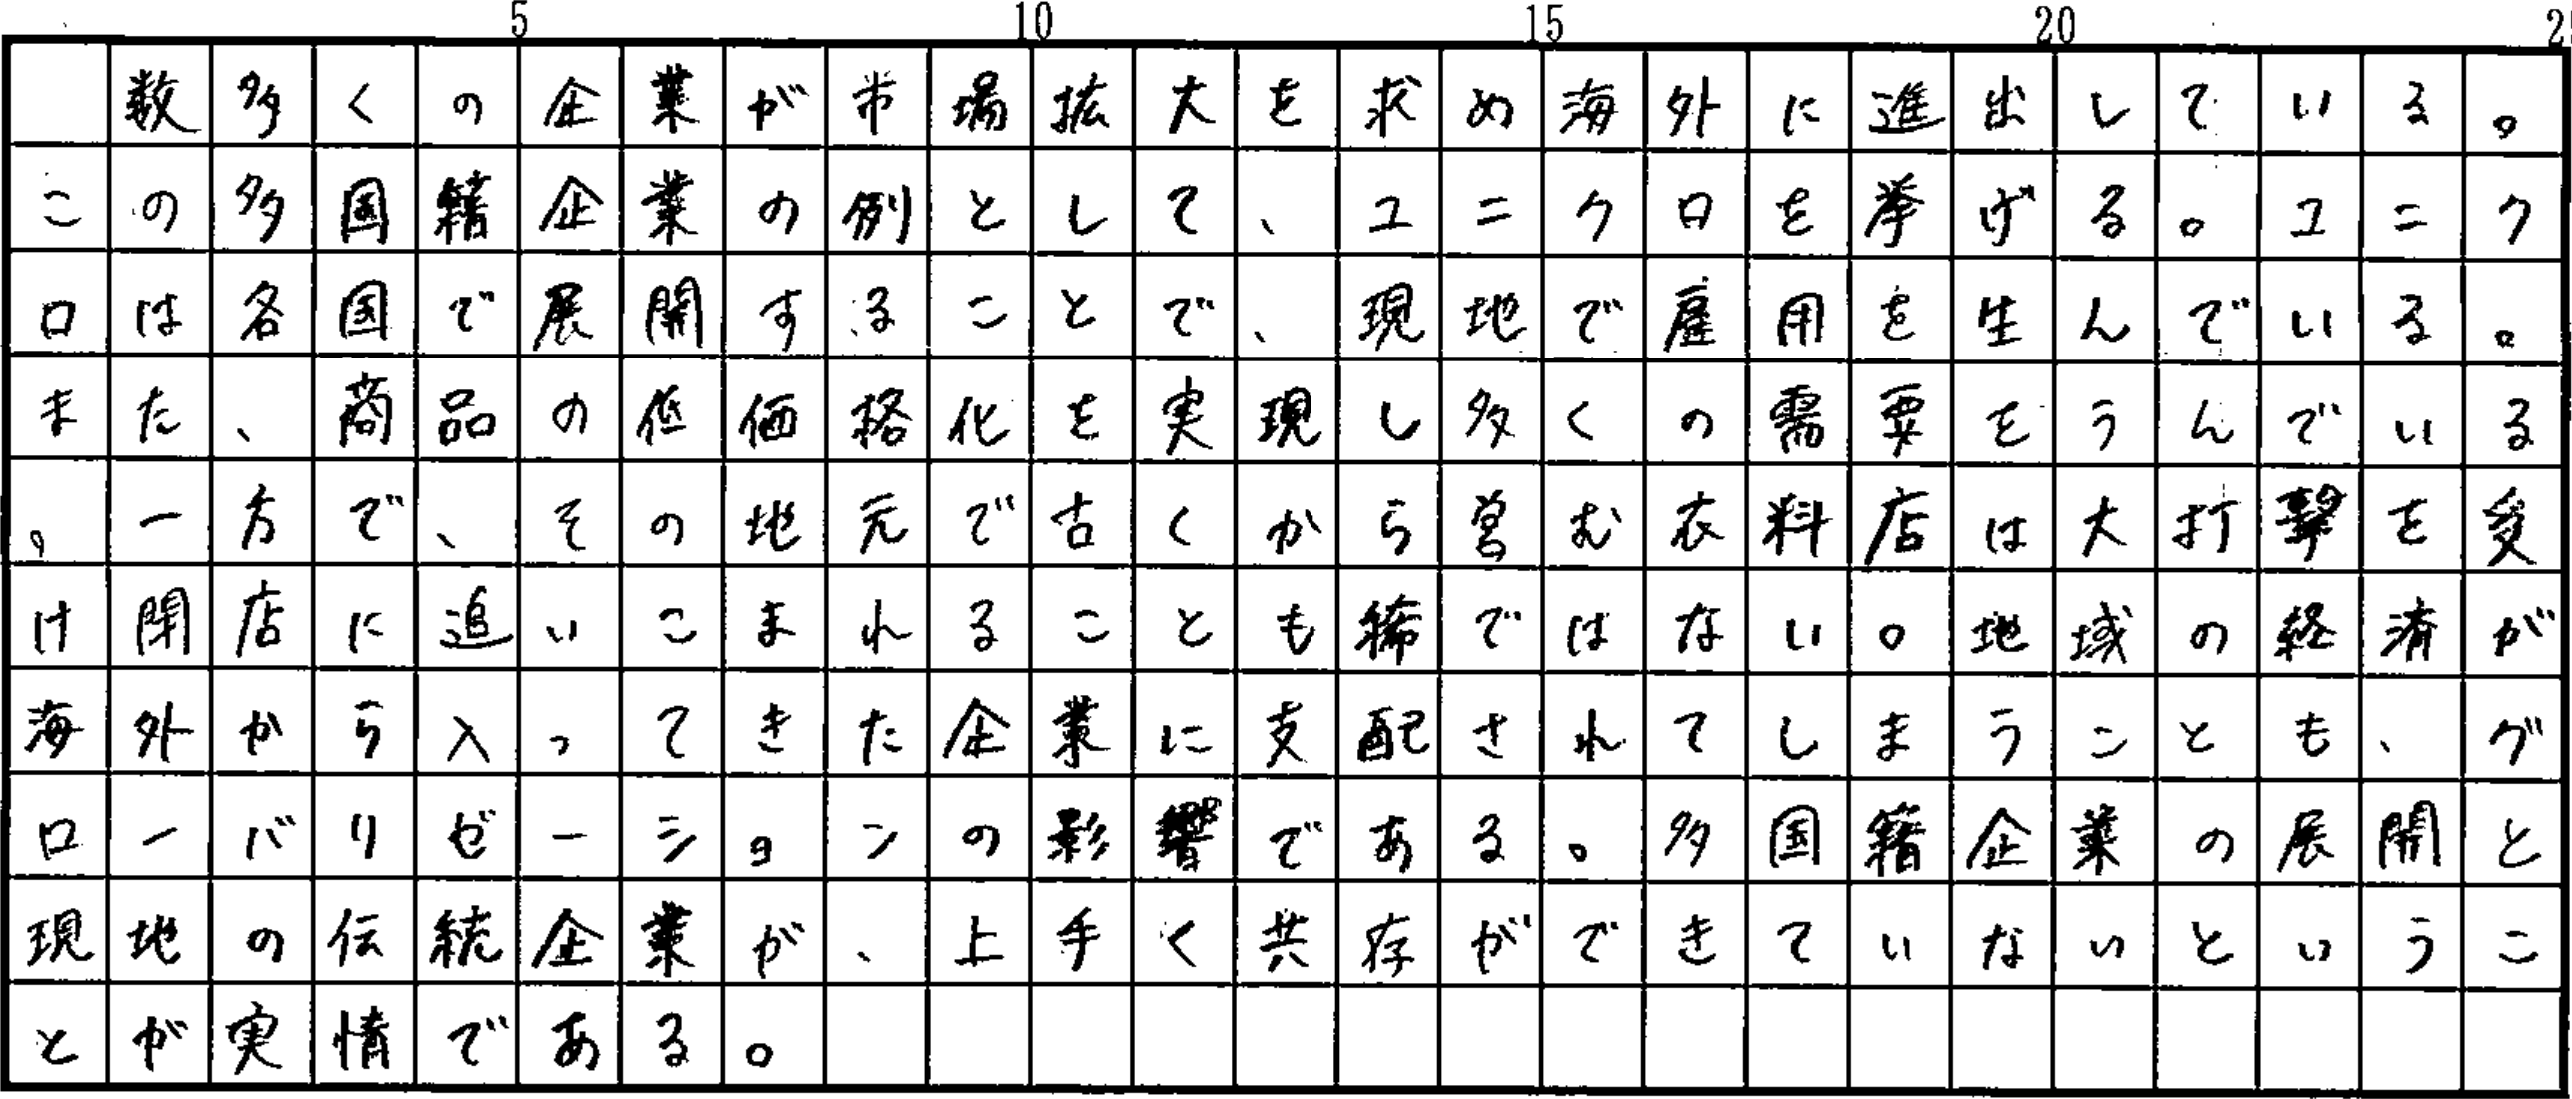　数多くの企業が市場拡大を求め海外に進出している。この多国籍企業の例として、ユニクロを挙げる。ユニクロは各国で展開することで、現地で雇用を生んでいる。また、商品の低価格化を実現し多くの需要をうんでいる。一方で、その地元で古くから営む衣料店は大打撃を受け閉店に追いこまれることも稀ではない。地域の経済が海外から入ってきた企業に支配されてしまうことも、グローバリゼーションの影響である。多国籍企業の展開と現地の伝統企業が、上手く共存ができていないということが実情である。
